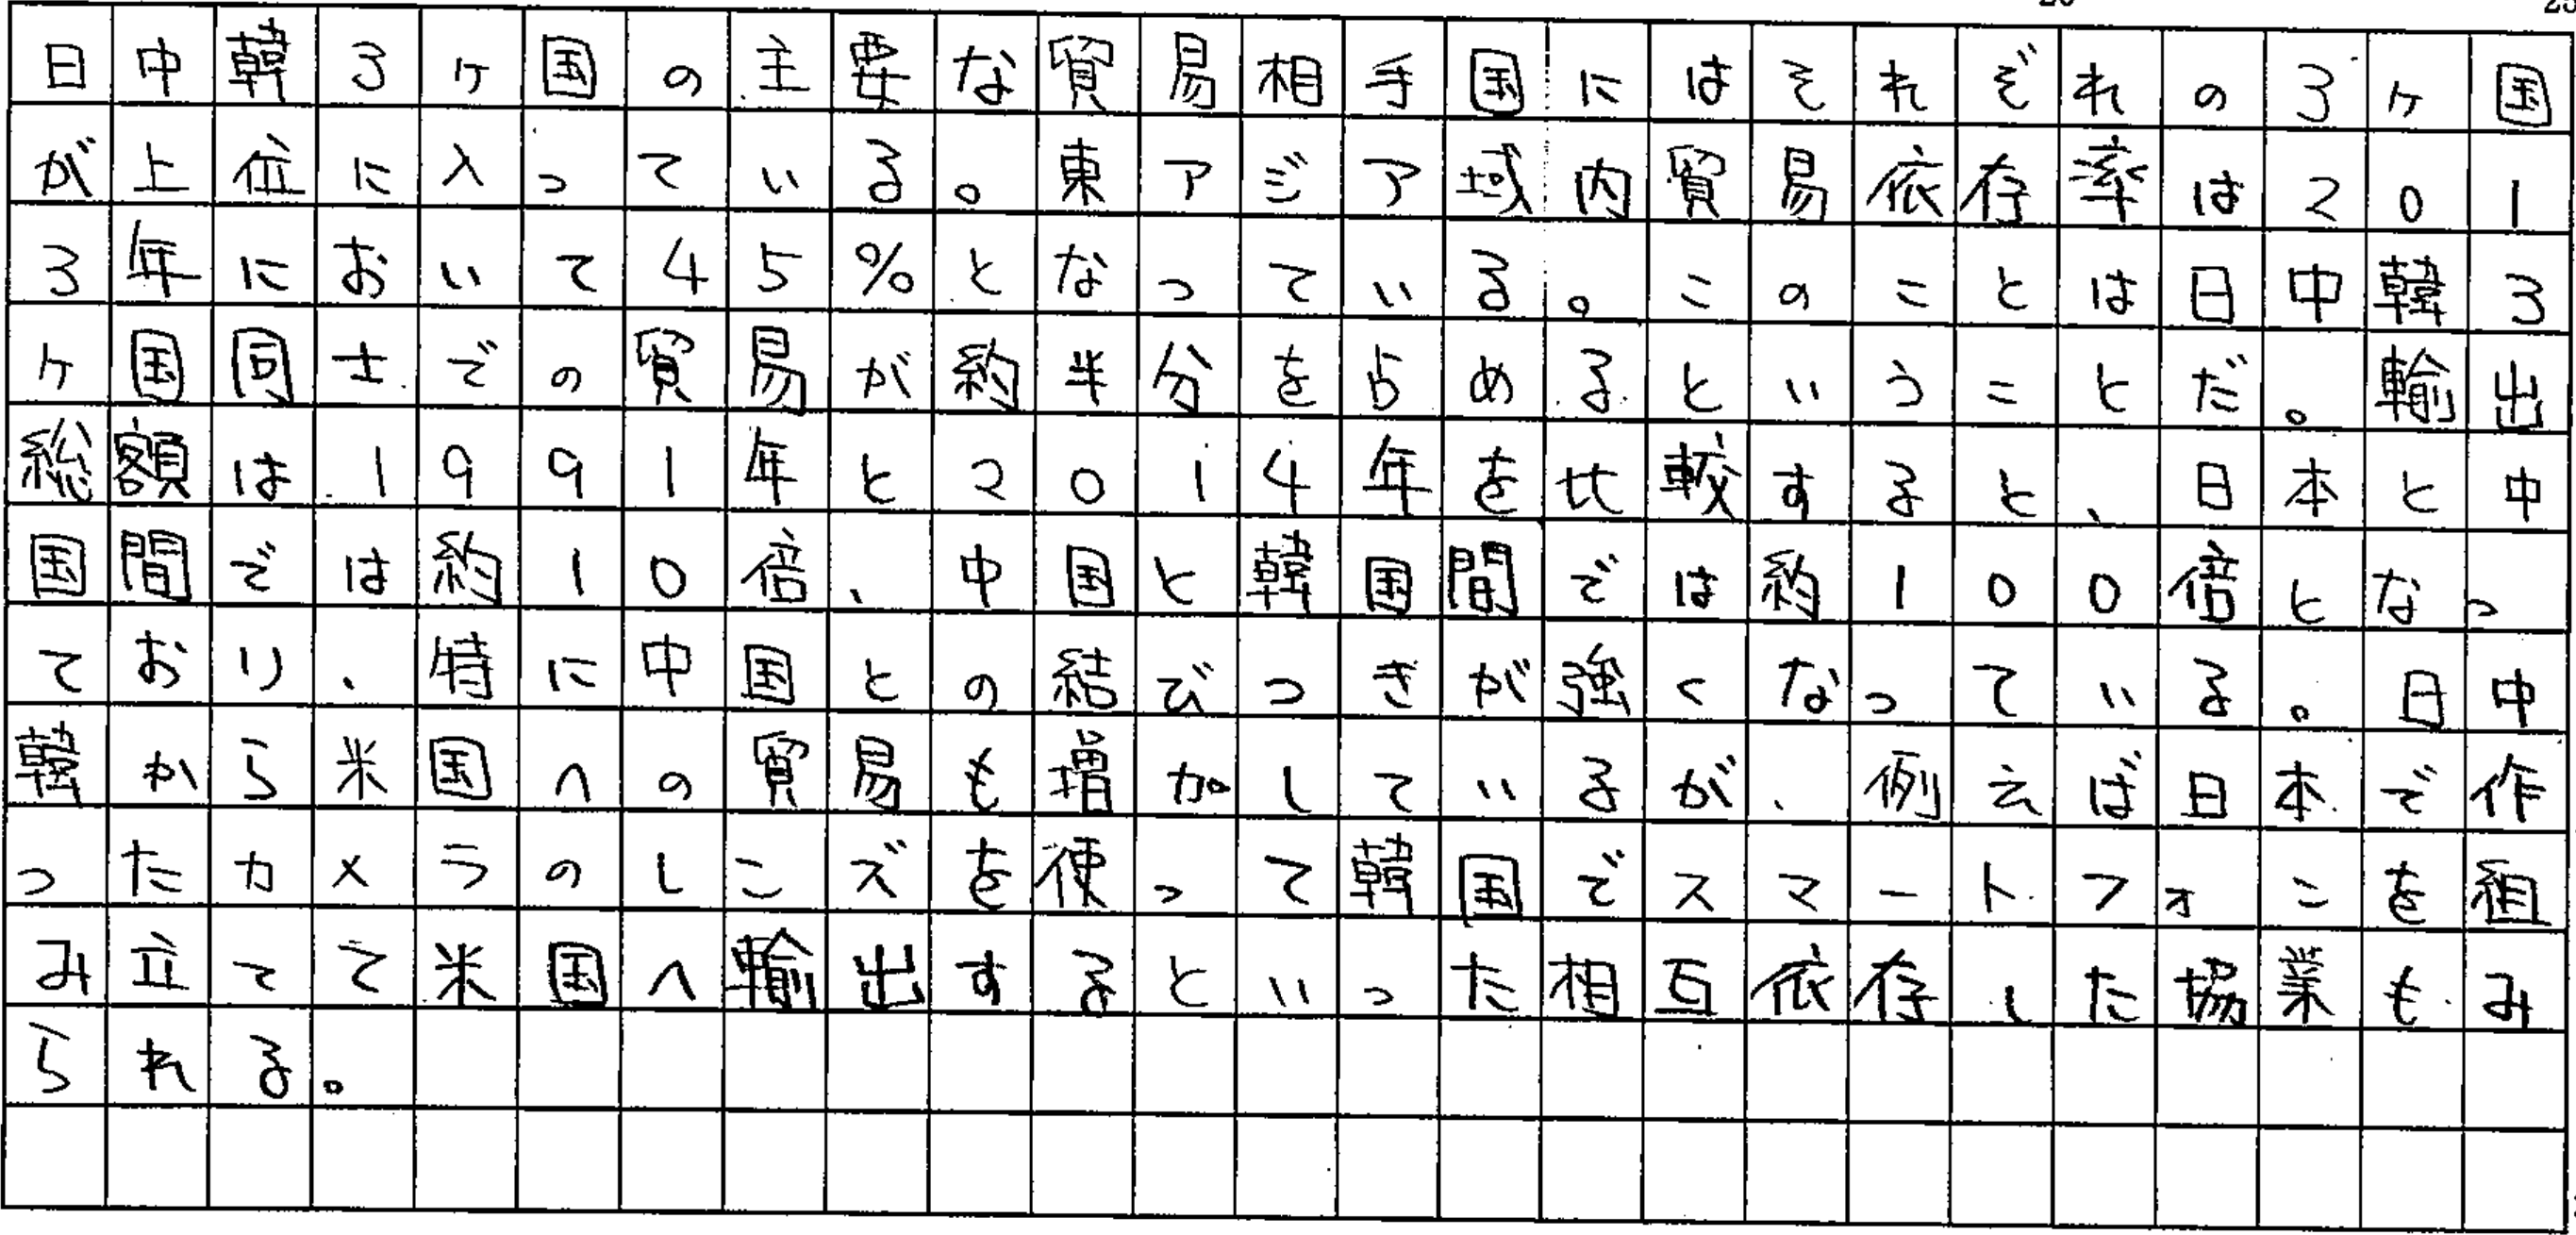日中韓３ヶ国の主要な貿易相手国にはそれぞれの３ヶ国が上位に入っている。東アジア域内貿易依存率は２０１３年において４５％となっている。このことは日中韓３ヶ国同士での貿易が約半分を占めるということだ。輸出総額は１９９１年と２０１４年を比較すると、日本と中国間では約１０倍、中国と韓国間では約１００倍となっており、特に中国との結びつきが強くなっている。日中韓から米国への貿易も増加しているが、例えば日本で作ったカメラのレンズを使って韓国でスマートフォンを組み立てて米国へ輸出するといった相互依存した協業もみられる。
